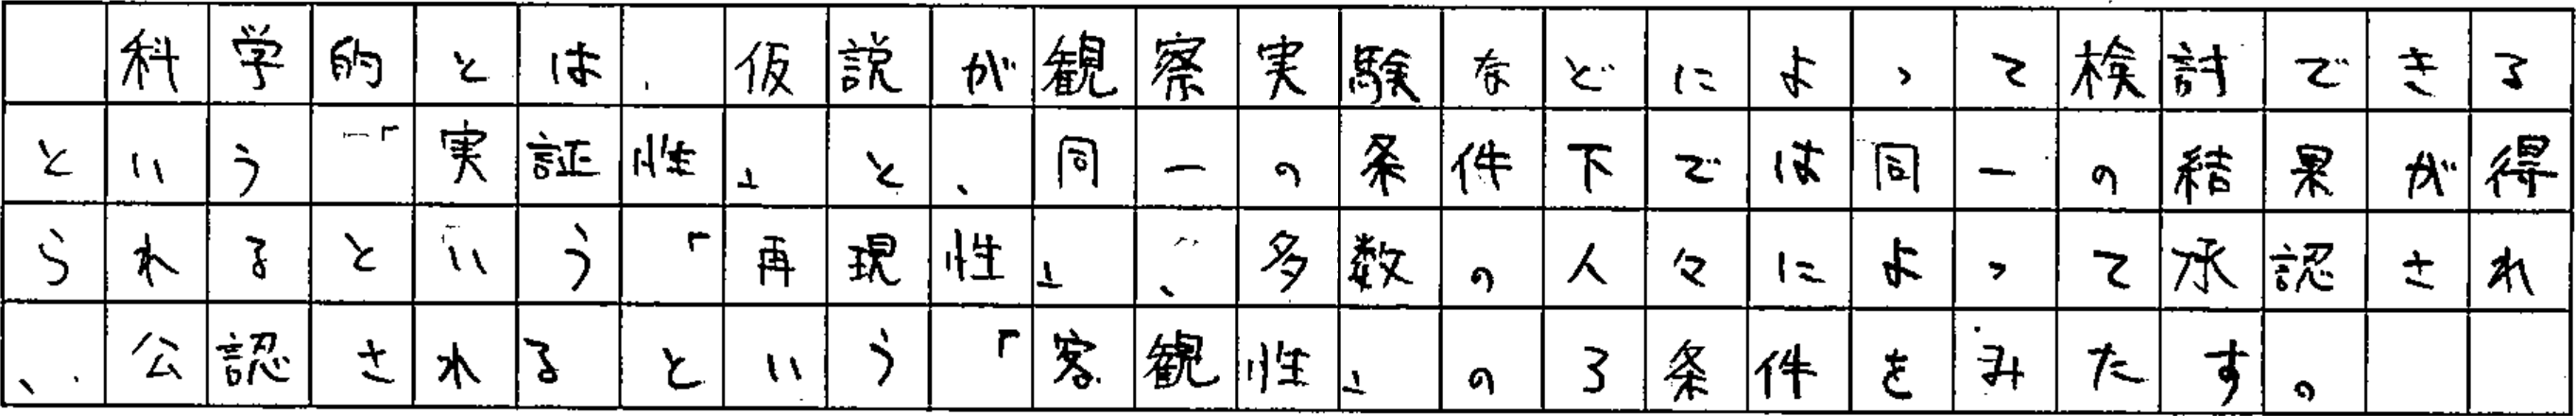　科学的とは、仮説が観察実験などによって検討できるという「実証性」と、同一の条件下では同一の結果が得られるという「再現性」、多数の人々によって承認され、公認されるという「客観性」の３条件をみたす。
